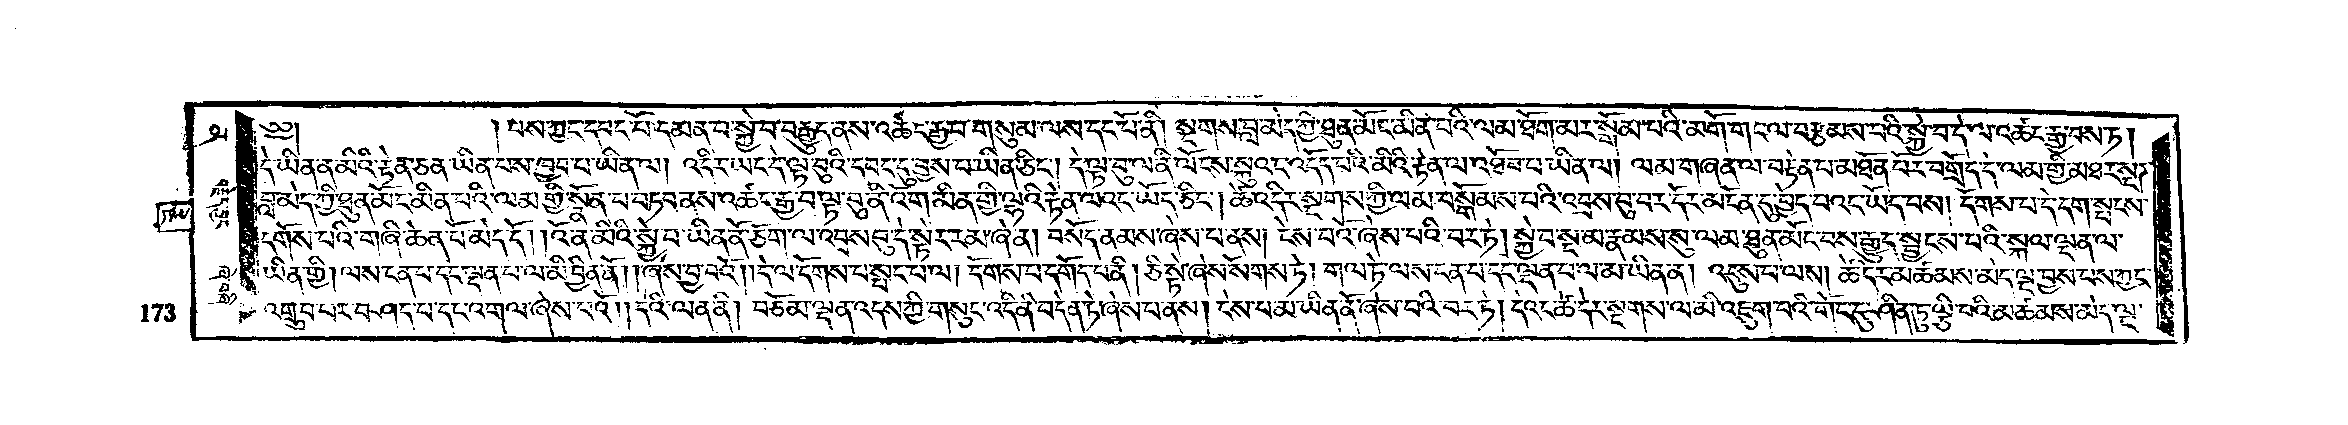༄༅། །བས་ཀྱང་དབང་པོ་དམན་པ་སྐྱེ་བ་བརྒྱུད་ནས་འཚང་རྒྱ་བ་གསུམ་ལས་དང་པོ་ནི། སྔགས་བླ་མེད་ཀྱི་ཐུན་མོང་མིན་པའི་ལམ་ཐོག་མར་སྒོམ་པའི་མགོ་གང་ལ་བརྩམས་པའི་སྐྱེ་བ་དེ་ལ་འཚང་རྒྱ་བས་ཏེ།
དེ་ཡིན་ན་མིའི་རྟེན་ཅན་ཡིན་པས་ཁྱབ་པ་ཡིན་ལ། འདིར་ཡང་དེ་ལྟ་བུའི་དབང་དུ་བྱས་པ་ཡིན་ཅིང་། དེ་ལྟ་བུ་ལ་ནི་ལོངས་སྐུའང་འདོད་པའི་མིའི་རྟེན་ལ་འཐོབ་པ་ཡིན་ལ། ལམ་གཞན་ལ་བརྟེན་པ་མཐོན་པོར་བགྲོད་དེ་ལམ་གྱི་མཐར་སྔགས་
བླ་མེད་ཀྱི་ཐུན་མོང་མིན་པའི་ལམ་གྱི་སྣོན་པ་བཏབ་ནས་འཚང་རྒྱ་བ་ལྟ་བུ་ནི་འོག་མིན་གྱི་ལྷའི་རྟེན་ལའང་ཡོད་ཅིང་། ཚེ་འདིར་སྔགས་ཀྱི་ལམ་བསྒོམས་པའི་འབྲས་བུ་བར་དོར་མངོན་དུ་བྱེད་པའང་ཡོད་པས། དོགས་པ་དེ་དག་སྤངས་
དགོས་པའི་གཞི་ཆེན་པོ་མེད་དོ། །འོ་ན་མིའི་སྐྱེ་བ་ཡིན་ནོ་ཅོག་ལ་འབྲས་བུ་དེ་སྟེར་རམ་ཞེ་ན། བསོད་ནམས་ཞེས་པ་ནས། ངེས་པའོ་ཞེས་པའི་བར་ཏེ། སྐྱེ་བ་སྔ་མ་རྣམས་སུ་ལམ་ཐུན་མོང་བས་རྒྱུད་སྦྱངས་པའི་སྐལ་ལྡན་ལ་
ཡིན་གྱི། ལས་ངན་པ་དང་ལྡན་པ་ལ་མི་བྱིན་ནོ། །ཞེས་བྱ་བའོ། །དེ་ལ་དོགས་པ་སྤང་པ་ལ། དོགས་པ་དགོད་པ་ནི། ཅི་སྟེ་ཞེས་སོགས་ཏེ། གལ་ཏེ་ལས་ངན་པ་དང་ལྡན་པ་ལ་མ་ཡིན་ན། འདུས་པ་ལས། ཚེ་དིར་མཚམས་མེད་ལྔ་བྱས་པས་ཀྱང་
འགྲུབ་པར་བཤད་པ་དང་འགལ་ཞེས་པའོ། །དེའི་ལན་ནི། བཅོམ་ལྡན་འདས་ཀྱི་གསུང་འདི་ནི་བདེན་ཏེ་ཞེས་པ་ནས། ངེས་པ་མ་ཡིན་ནོ་ཞེས་པའི་བར་ཏེ། དེའང་ཚེ་དེར་སྔགས་ལ་མི་འཇུག་པའི་གོང་དུ་ཤིན་ཏུ་ལྕི་བའི་མཚམས་མེད་ལྔ་